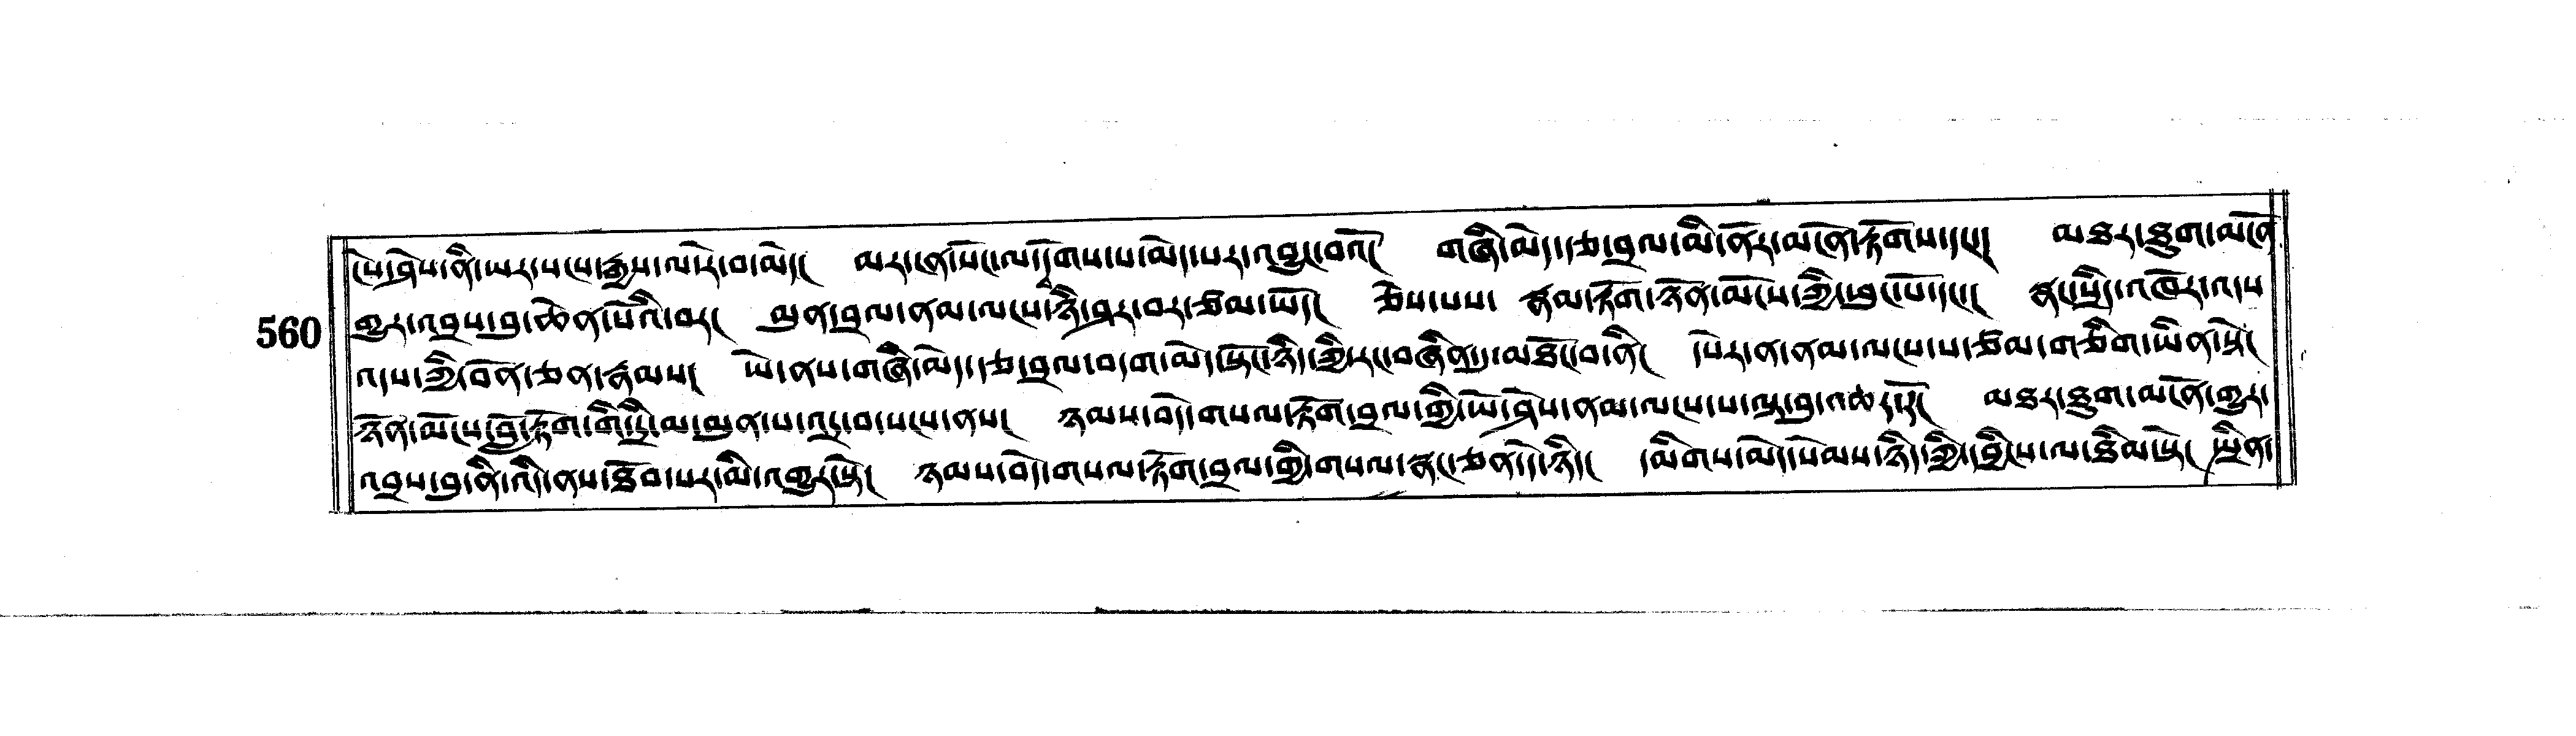ངེས་ཤེས་ནི་ཡར་སངས་རྒྱས་ལ་རེ་བ་མེད། མར་ངན་སོང་ལ་དྭོགས་པ་མེད་པར་འབྱུང་བའོ། གཞི་མེད་རྩ་བྲལ་མི་ནོར་མངོན་རྟོགས་དང་། མཐར་ཐུག་མངོན་
གྱུར་འབྲས་བུ་ཆེན་པོའི་བར། མུན་བྲལ་ནམ་ལང་ཉི་ཤར་བར་ཙམ་ཡོད། ཅེས་པས། རྣམ་རྟོག་ཉོན་མོངས་ཀྱི་ཕུང་པོ་དང་། སྣང་སྲིད་འཁོར་འདས་
ཀྱི་བོན་ཅན་རྣམས། ཡེ་ནས་གཞི་མེད་རྩ་བྲལ་བདག་མེད་སྟོང་ཉིད་ཀྱི་རང་བཞིན་དུ་མཐོང་བ་ནི། དཔེར་ན་ནམ་ལངས་པ་ཙམ་ཞིག་ཡིན་ཏེ། 
ཉོན་མོངས་བློ་རྟོག་གི་དྲི་མ་མུན་པ་འདྲ་བ་སངས་ནས། ཉམས་བདེ་གསལ་རྟོག་བྲལ་གྱི་ཡེ་ཤེས་ནམ་ལངས་པ་ལྟ་བུ་འཆར་རོ། མཐར་ཐུག་མངོན་གྱུར་
འབྲས་བུ་ནི་འདི་ནས་ཐོབ་པར་མི་འགྱུར་ཏེ། ཉམས་བདེ་གསལ་རྟོག་བྲལ་གྱི་གསལ་སྣང་ཅན་དེ་ཉིད། དམིགས་མེད་སེམས་ཉིད་ཀྱི་དབྱིངས་ལ་ཐིམ་སྟེ། སྤྲིན་